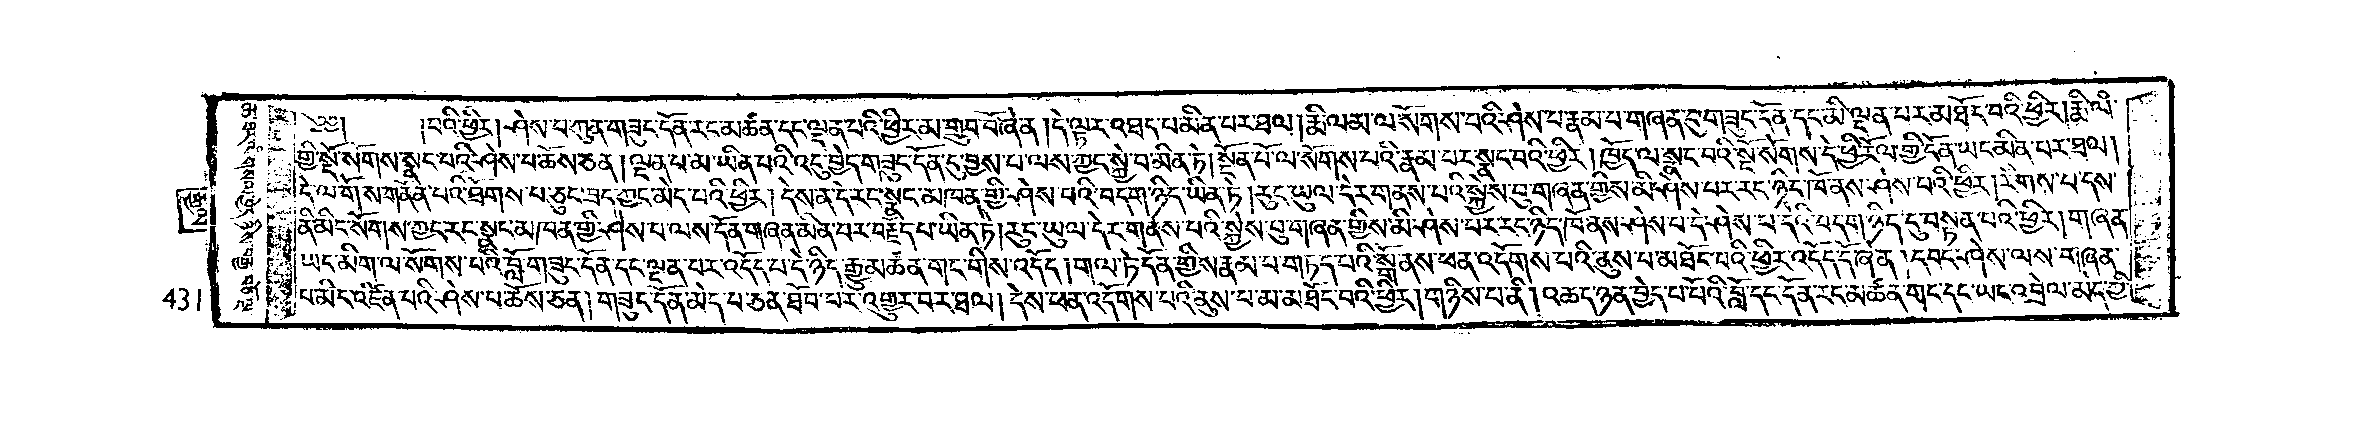༄༅། །པའི་ཕྱིར། ཤེས་པ་ཀུན་གཟུང་དོན་རང་མཚན་དང་ལྡན་པའི་ཕྱིར་མ་གྲུབ་བོ་ཞེ་ན། དེ་ལྟར་འཐད་པ་མིན་པར་ཐལ། རྨི་ལམ་ལ་སོགས་པའི་ཤེས་པ་རྣམ་པ་གཞན་དུ་གཟུང་དོན་དང་མི་ལྡན་པར་མཐོང་བའི་ཕྱིར། རྨི་ལཾ་
གྱི་སྔོ་སོགས་སྣང་བའི་ཤེས་པ་ཆོས་ཅན། ལྡན་པ་མ་ཡིན་པའི་འདུ་བྱེད་གཟུང་དོན་དུ་བྱས་པ་ལས་ཀྱང་སྐྱེ་བ་མིན་ཏེ། སྔོན་པོ་ལ་སོགས་པའི་རྣམ་པར་སྣང་བའི་ཕྱིར། ཁྱོད་ལ་སྣང་བའི་སྔོ་སོགས་དེ་ཕྱི་རོལ་གྱི་དོན་ཡང་མིན་པར་ཐལ།
དེ་ལ་གོ་ས་གནོན་པའི་ཐོགས་པ་ཅུང་ཟད་ཀྱང་མེད་པའི་ཕྱིར། དེས་ན་དེ་རང་སྣང་མཁན་གྱི་ཤེས་པའི་བདག་ཉིད་ཡིན་ཏེ། རུང་ཡུལ་དེར་གནས་པའི་སྐྱེས་བུ་གཞན་གྱིས་མི་ཤེས་པར་རང་ཉིད་ཁོ་?་ནས་ཤེས་པའི་ཕྱིར། རིགས་པ་དེས་
ནི་མིང་སོགས་ཀྱང་རང་སྣང་མཁན་གྱི་ཤེས་པ་ལས་དོན་གཞན་མིན་པར་བརྗོད་པ་ཡིན་ཏེ། རུང་ཡུལ་དེར་གནས་པའི་སྐྱེས་བུ་གཞན་གྱིས་མི་ཤེས་པར་རང་ཉིད་ཁོ་ནས་ཤེས་པ་དེ་ཤེས་པ་དེའི་བདག་ཉིད་དུ་བསྟན་པའི་ཕྱིར། གཞན་
ཡང་མིག་ལ་སོགས་པའི་བློ་གཟུང་དོན་དང་ལྡན་པར་འདོད་པ་དེ་ཉིད་རྒྱུ་མཚན་གང་གིས་འདོད། གལ་ཏེ་དོན་གྱིས་རྣམ་པ་གཏད་པའི་སྒོ་ནས་ཕན་འདོགས་པའི་ནུས་པ་མཐོང་བའི་ཕྱིར་འདོད་དོ་ཞེ་ན། དབང་ཤེས་ལས་གཞན་
པ་མིང་འཛིན་པའི་ཤེས་པ་ཆོས་ཅན། གཟུང་དོན་མེད་པ་ཅན་ཐོབ་པར་འགྱུར་བར་ཐལ། དེས་ཕན་འདོགས་པའི་ནུས་པ་མ་མཐོང་བའི་ཕྱིར། གཉིས་པ་ནི། འཆད་ཉན་བྱེད་པ་པོའི་བློ་དང་དོན་རང་མཚན་གང་དང་ཡང་འབྲེལ་མེད་ཀྱི་